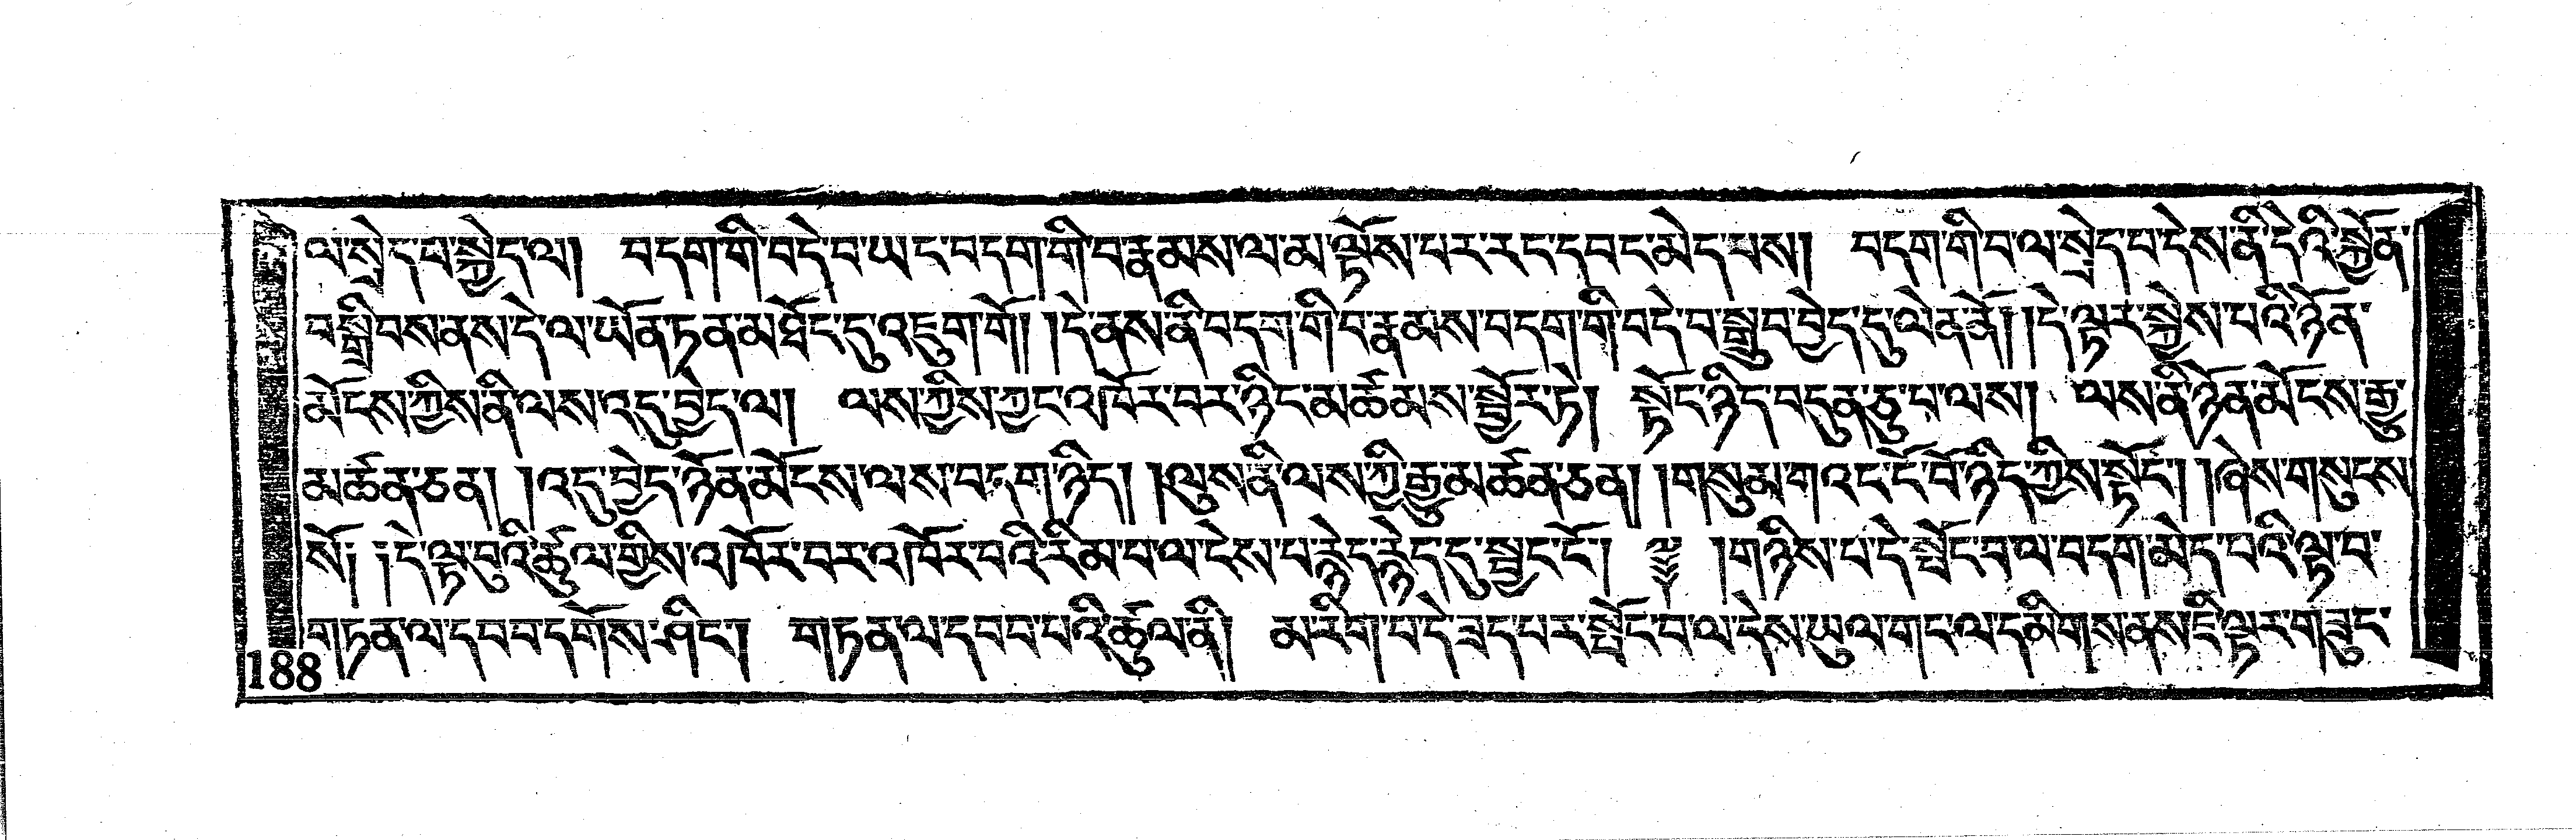ལ་སྲེད་པ་སྐྱེད་ལ། བདག་གི་བདེ་བ་ཡང་བདག་གི་བ་རྣམས་ལ་མ་ལྟོས་པར་རང་དབང་མེད་པས། བདག་གི་བ་ལ་སྲེད་པ་དེས་ནི་དེའི་སྐྱོན་
བསྒྲིབས་ནས་དེ་ལ་ཡོན་ཏན་མཐོང་དུ་འཇུག་གོ། །དེ་ནས་ནི་བདག་གི་བ་རྣམས་བདག་གི་བདེ་བ་སྒྲུབ་བྱེད་དུ་ལེན་ནོ། །དེ་ལྟར་སྐྱེས་པའི་ཉོན་
མོངས་ཀྱིས་ནི་ལས་འདུ་བྱེད་ལ། ལས་ཀྱིས་ཀྱང་འཁོར་བར་ཉིང་མཚམས་སྦྱོར་ཏེ། སྟོང་ཉིད་བདུན་ཅུ་པ་ལས། ལས་ནི་ཉོན་མོངས་རྒྱུ་
མཚན་ཅན། །འདུ་བྱེད་ཉོན་མོངས་ལས་བདག་ཉིད། །ལུས་ནི་ལས་ཀྱི་རྒྱུ་མཚན་ཅན། །གསུམ་གའང་ངོ་བོ་ཉིད་ཀྱིས་སྟོང་། །ཞེས་གསུངས་
སོ༑ ༑དེ་ལྟ་བུའི་ཚུལ་གྱིས་འཁོར་བར་འཁོར་བའི་རིམ་པ་ལ་ངེས་པ་རྙེད་རྙེད་དུ་སྦྱང་ངོ། ༈ །གཉིས་པ་དེ་སྤོང་བ་ལ་བདག་མེད་པའི་ལྟ་བ་
གཏན་ལ་དབབ་དགོས་ཤིང་། གཏན་ལ་དབབ་པའི་ཚུལ་ནི། མ་རིག་པ་དེ་ཟད་པར་སྤོང་བ་ལ་དེས་ཡུལ་གང་ལ་དམིགས་ནས་ཇི་ལྟར་གཟུང་